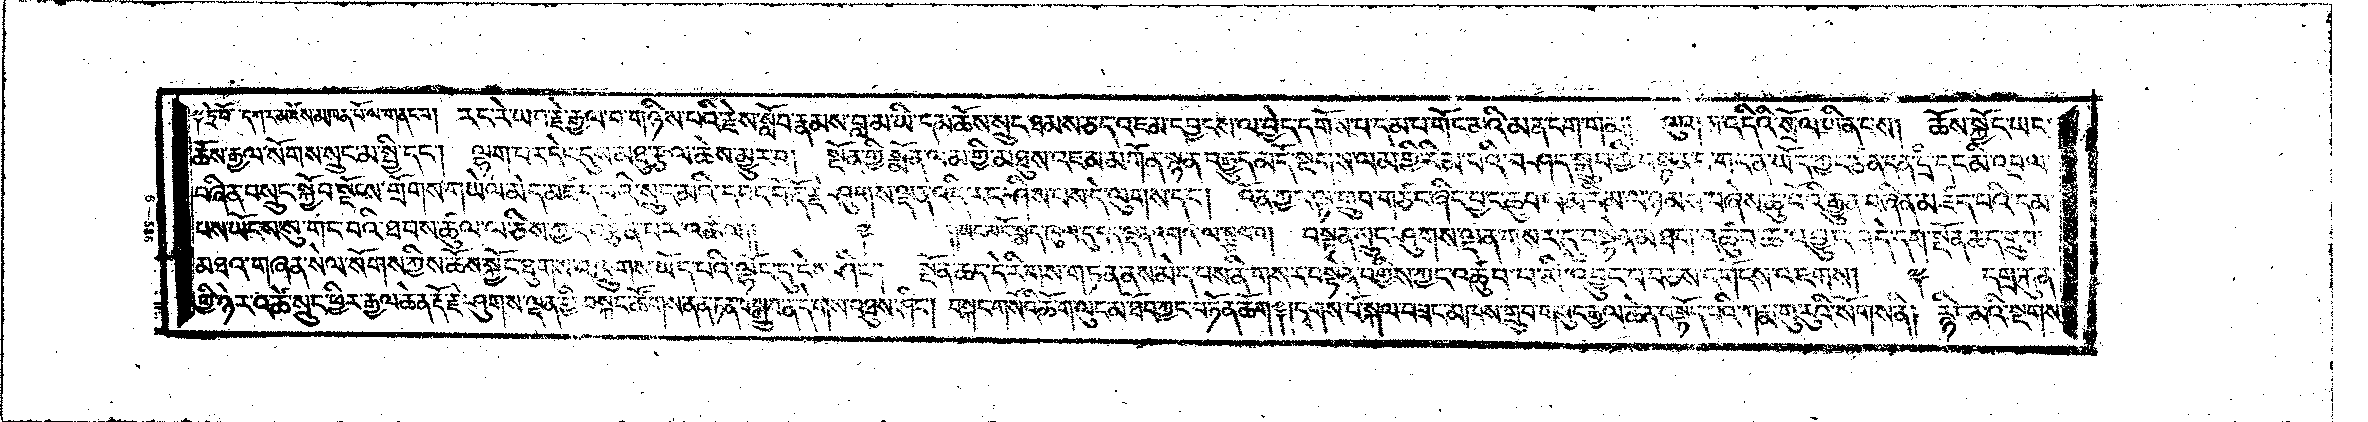༈ ཏྲེ་བོ་དཀར་མཛེས་མཁན་པོ་ལ་གནང་བ།  རང་རེ་ཡབ་རྗེ་རྒྱལ་བ་གཉིས་པའི་རྗེས་སློབ་རྣམས་བླ་མ་ཡི་དམ་ཆོས་སྲུང་ཐམས་ཅད་འཇམ་དབྱངས་ལ་བྱེད་དགོས་པ་དམ་པ་གོང་མའི་མན་ངག་གམ། ལུགས་འདིའི་སྲོལ་ཡིན་པས། ཆོས་སྐྱོང་ཡང་
ཆོས་རྒྱལ་སོགས་སྲུང་མ་སྤྱི་དང་། ལྷག་པར་དེང་དུས་མཐུ་རྩལ་ཆེས་མྱུར་བ། སྔོན་གྱི་སྨོན་ལམ་གྱི་མཐུས་འཇམ་མགོན་སྙན་བརྒྱུད་མདོ་སྔགས་ལམ་གྱི་རིམ་པའི་བཤད་སྒྲུབ་ཀྱི་བསྟན་པ་གང་ན་ཡོད་ཀྱང་ཙན་དན་དྲི་དང་མི་འབྲལ་
བཞིན་བསྲུང་སྐྱོབ་སྡོངས་གྲོགས་གཡེལ་མེད་མཛད་པའི་སྲུང་མའི་དབང་པོ་རྡོ་རྗེ་ཤུགས་ལྡན་འདི་རང་ཤིས་པས་དེ་ལུགས་དང་། འོན་ཀྱང་ལྟ་གྲུབ་གཙང་ཞིང་བྱང་ཆུབ་ལམ་རིམ་ལ་ཉམས་བཞེས་ཆུ་བོའི་རྒྱུན་བཞིན་མཛད་པའི་དམ་
པས་ཡོངས་སུ་གང་བའི་ཐབས་ཚུལ་ལ་ཅིས་ཀྱང་བརྩོན་པར་འཚལ།། ༈ །།ཡང་མདོ་སྨད་ཁུལ་དུ་དད་ལྡན་འྲྒན་ལ་སྩལ་བ།  བསྟན་སྲུང་ཤུགས་ལྡན་གསར་དུ་བསྟེན་མ་ཐག་འཚུ་པ་ཆ་འབྱུང་པ་དེ་དག་སྔོན་ཆད་གྲུབ་
མཐའ་གཞན་སེལ་སོགས་ཀྱིས་ཆོས་སྐྱོང་ཐུགས་འཁྲུགས་ཡོད་པའི་ལྷོང་དུ་ངེས་ཤིང་། སྔོན་ཆད་དེ་རིགས་གཏན་ནས་མེད་པས་ནི་གསར་བསྟེན་བགྱིས་ཀྱང་འཚུབ་པ་མི་འབྱུང་བ་བཅས་དགོངས་འཇགས། ༈ དགྲ་རྐུན་
གྱི་ཉེར་འཚེ་སྲུང་ཕྱིར་རྒྱལ་ཆེན་རྡོ་རྗེ་ཤུགས་ལྡན་གྱི་བསྐང་ཚོགས་ནན་ཏན་བསྒྲུབ་ན་དེ་གས་འཐུས་ཤིང་། བསྐང་གསོའི་ཆོག་ལུང་མ་ཐོབ་ཀྱང་བཏོན་ཆོག ༈ །དྭགས་པོ་སྐལ་བཟང་མཁས་གྲུབ་གསུང་རྒྱལ་ཆེན་བསྟོད་པའི་ཀརྨ་གུ་རུའི་སོགས་ནི། རྙིང་མའི་སྔགས་